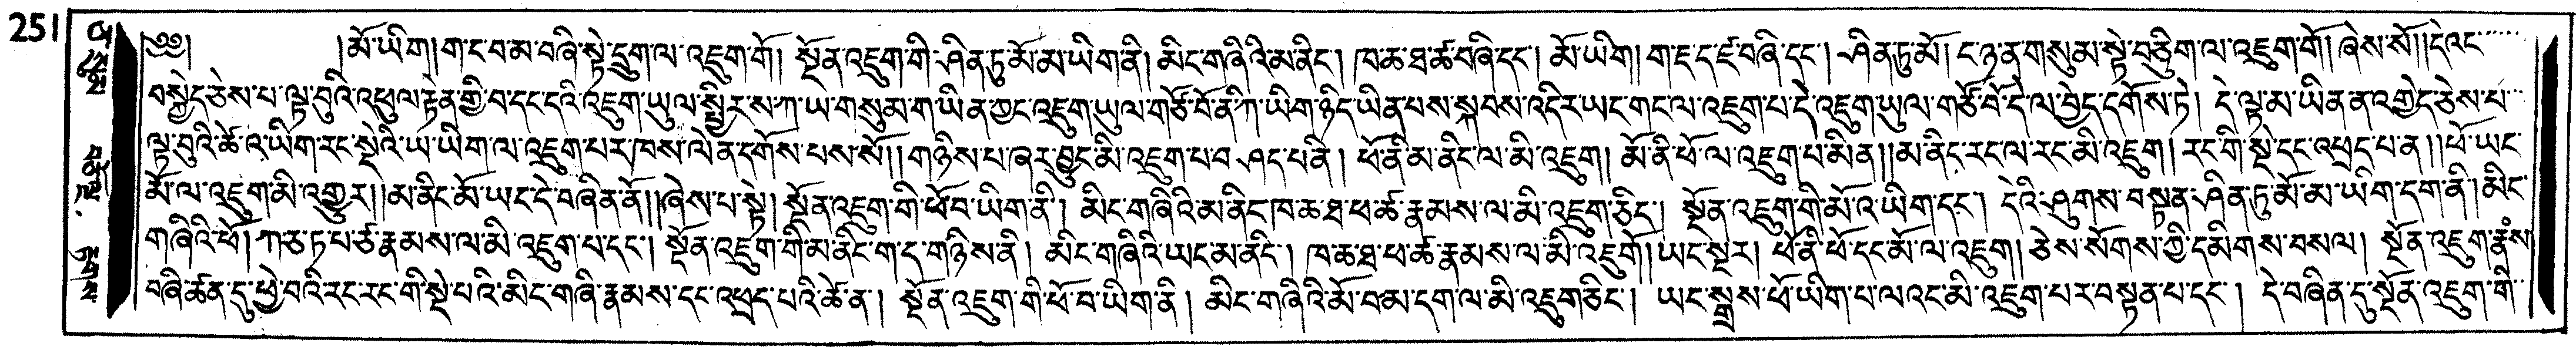༄༅། །མོ་ཡིག། ག་ང་བ་མ་བཞི་སྟེ་དྲུག་ལ་འཇུག་གོ། སྔོན་འཇུག་གི་ཤིན་ཏུ་མོ་མ་ཡིག་ནི། མིང་གཞིའི་མ་ནིང་། ཁ་ཆ་ཐ་ཚ་བཞི་དང་། མོ་ཡིག། ག་ཇ་ད་ཛ་བཞི་དང་། ཤིན་ཏུ་མོ། ང་ཉ་ན་གསུམ་སྟེ་བཅུཨིག་ལ་འཇུག་གོ། ཞེས་སོ། །དེའང་
བསྐྱེད་ཅེས་པ་ལྟ་བུའི་འཕུལ་རྟེན་གྱི་བ་དང་དའི་འཇུག་ཡུལ་སྤྱིར་ས་ཀ་ཡ་གསུམ་ག་ཡིན་ཀྱང་འཇུག་ཡུལ་གཙོ་བོ་ནི་ཀ་ཡིག་ཉིད་ཡིན་པས་སྐབས་འདིར་ཡང་གང་ལ་འཇུག་པ་དེ་འཇུག་ཡུལ་གཙོ་བོ་དེ་ལ་བྱེད་དགོས་ཏེ། དེ་ལྟ་མ་ཡིན་ན་འགྱེད་ཅེས་པ་
ལྟ་བུའི་ཚེ་འ་ཡིག་རང་སྡེའི་ཡ་ཡིག་ལ་འཇུག་པར་ཁས་ལེན་དགོས་པས་སོ། །གཉིས་པ་ཞར་བྱུང་མི་འཇུག་པ་བཤད་པ་ནི། ཕོ་ནི་མ་ནིང་ལ་མི་འཇུག། མོ་ནི་ཕོ་ལ་འཇུག་པ་མིན། །མ་ནིང་རང་ལ་རང་མི་འཇུག། རང་གི་སྡེ་དང་འཕྲད་པ་ན། །ཕོ་ཡང་
མོ་ལ་འཇུག་མི་འགྱུར། །མ་ནིང་མོ་ཡང་དེ་བཞིན་ནོ། །ཞེས་པ་སྟེ། སྔོན་འཇུག་གི་ཕོ་བ་ཡིག་ནི། མིང་གཞིའི་མ་ནིང་ཁ་ཆ་ཐ་ཕ་ཚ་རྣམས་ལ་མི་འཇུག་ཅིང་། སྔོན་འཇུག་གི་མོ་འ་ཡིག་དང་། དེའི་ཤུགས་བསྟན་ཤིན་ཏུ་མོ་མ་ཡིག་དག་ནི། །མིང་
གཞིའི་ཕོ། །ཀ་ཅ་ཏ་པ་ཙ་རྣམས་ལ་མི་འཇུག་པ་དང་། སྔོན་འཇུག་གི་མ་ནིང་ག་ད་གཉིས་ནི། མིང་གཞིའི་ཡང་མ་ནིང་། ཁ་ཆ་ཐ་ཕ་ཚ་རྣམས་ལ་མི་འཇུག་གོ། ཡང་སྔར། ཕོ་ནི་ཕོ་དང་མོ་ལ་འཇུག། ཅེས་སོགས་ཀྱི་དམིགས་བསལ། སྔོན་འཇུག་རྣཾས་
བཞི་ཚན་དུ་ཕྱེ་བའི་རང་རང་གི་སྔེ་པའི་མིང་གཞི་རྣམས་དང་འཕྲད་པའི་ཚེ་ན། སྔོན་འཇུག་གི་ཕོ་བ་ཡིག་ནི། མིང་གཞིའི་མོ་བ་མ་དག་ལ་མི་འཇུག་ཅིང་། ཡང་སྒྲས་ཕོ་ཡིག་པ་ལའང་མི་འཇུག་པར་བསྟན་པ་དང་། དེ་བཞིན་དུ་སྔོན་འཇུག་གི་